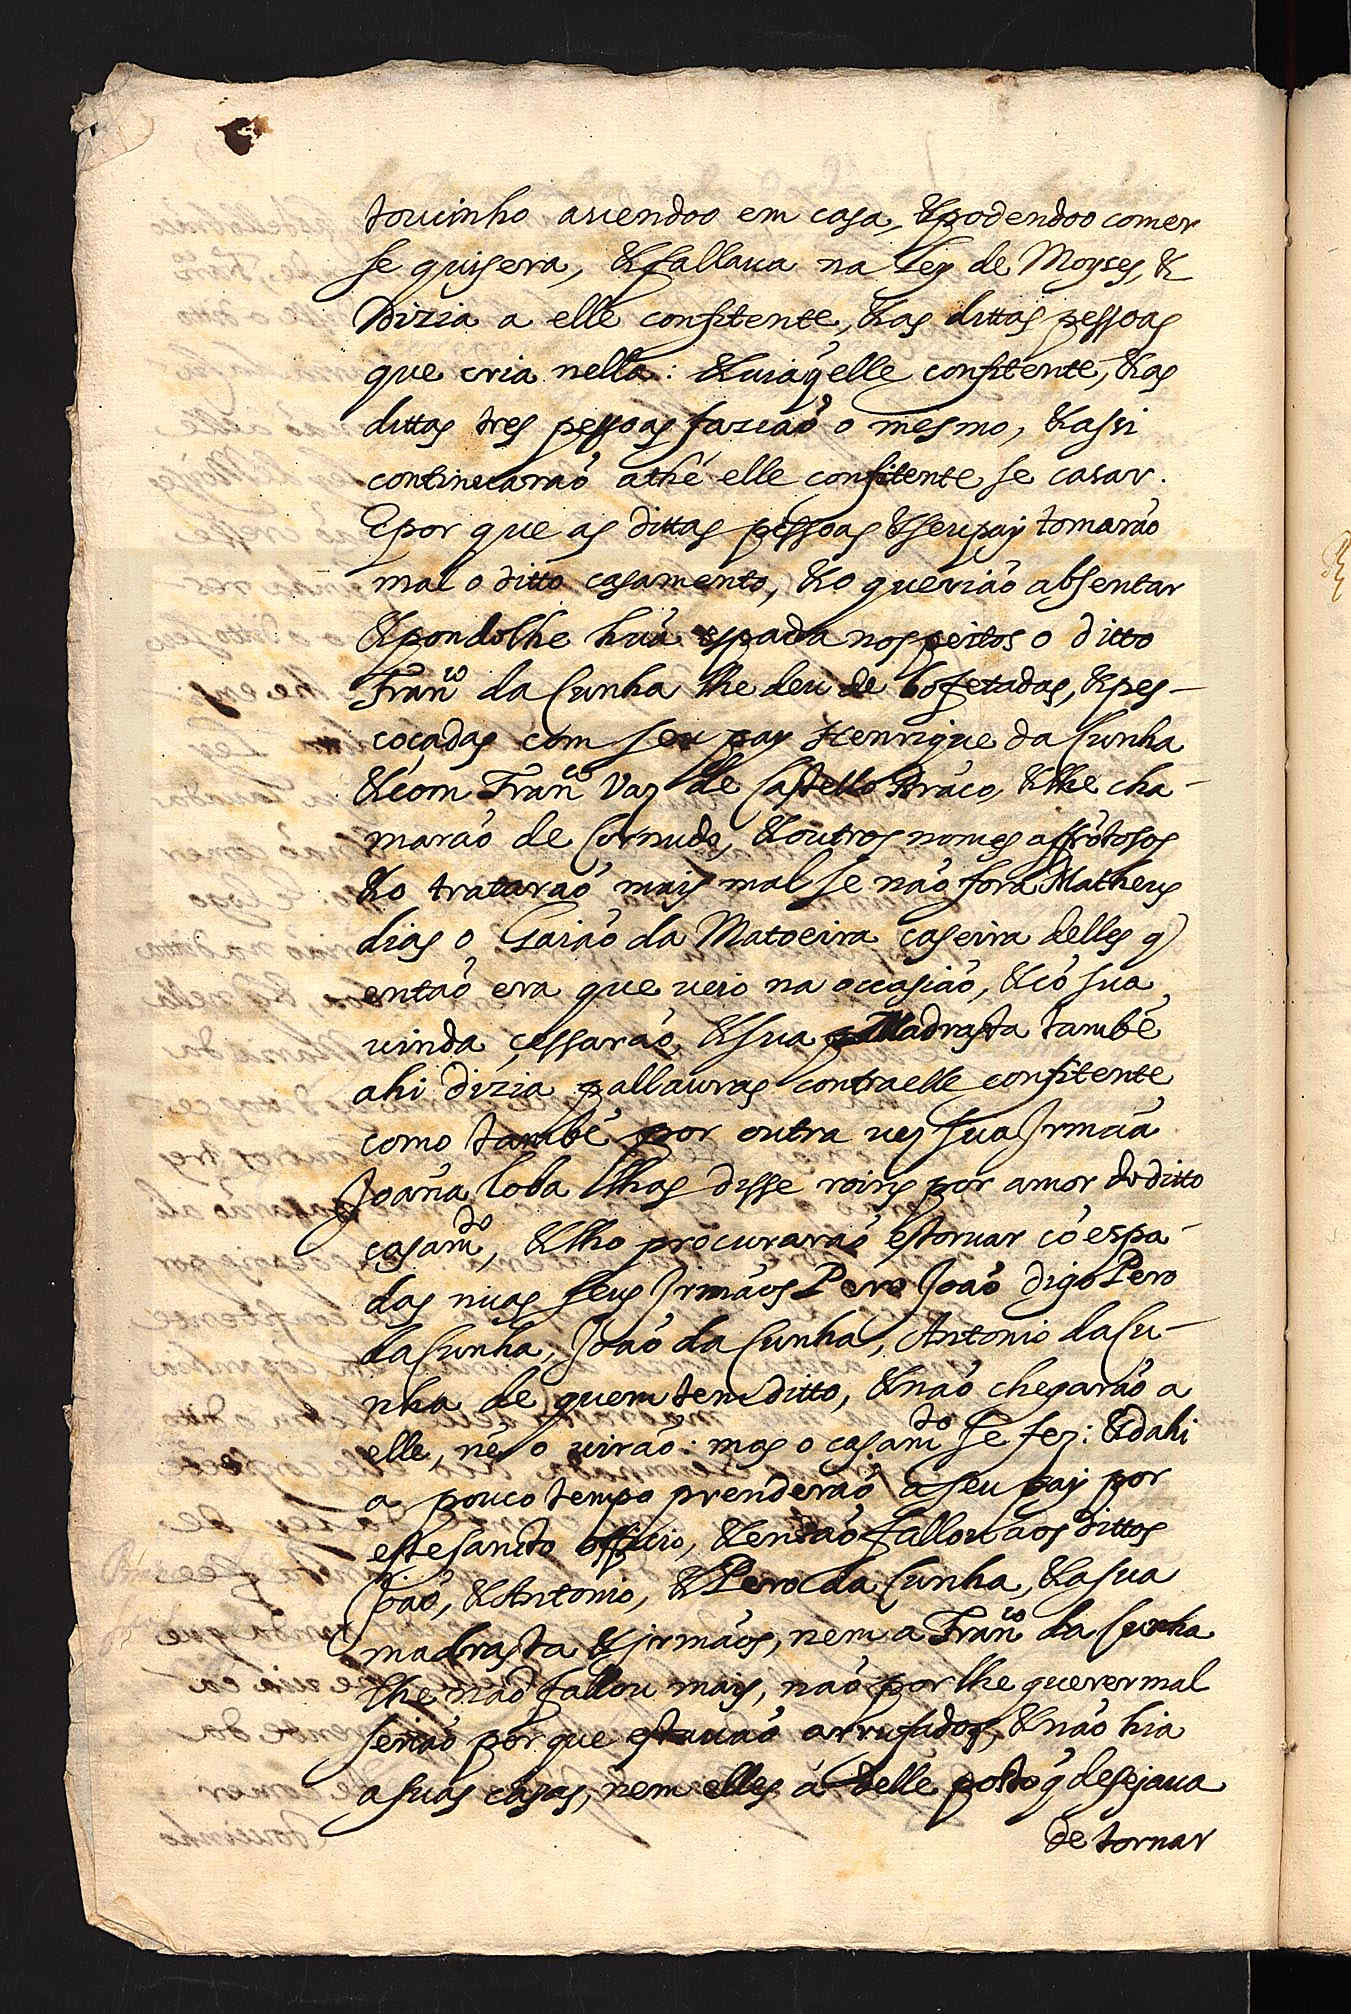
toucinho auendoo em casa, & podendoo comer
se quisera, & fallaua na Ley de Moyses, &
dizia a elle confitente, & as dittas pessoas
que cria nella : & uia q̄ elle confitente, & as
dittas tres pessoas faziaõ o mesmo, & assi
continuaraõ athé elle confitente se casar.
E porque as dittas pessoas & seu pay tomaraõ
mal o ditto casamento, & o queriaõ absentar
& pondolhe huā espada nos peitos o ditto
Franco da Cunha lhe deu de bofetadas, & pes
coçadas com seu pay Henrique da Cunha
& com Franco Vaz de Castello Brāco, & lhe cha
maraõ de Cornudo, & outros nomes affrōtosos
& o trataraõ mais mal se naõ fora Matheus
dias o Gaiaõ da Matoeira caseira delles q̄
entaõ era que ueio na occasiaõ, & cō sua
uinda çessaraõ, & sua pMadrasta tambē
ahi dizia pallauras contra elle confitente
como tambē por outra uez sua Jrmaā
Joan̄a loba lhas disse roins por amor do ditto
casamto, & lho procuraraõ estoruar cō espa
das nuas seus Jrmãos Pero Joaõ digo Pero
da Cunha, Joaõ da Cunha, Antonio da Cu
nha de quem tem ditto, & naõ chegaraõ a
elle, nē o uiraõ : mas o casamto se fez : & dahi
a pouco tempo prenderaõ a seu pay por
este sancto officio, & entaõ fallou aos dittos
Joaõ, & Antonio, & Pero da Cunha, & a sua
madrasta & jrmaõs, nem a Fraco da Cunha
lhe naõ fallou mais, naõ por lhe querer mal
senaõ porque estauaõ arrufados, & naõ hia
a suas casas, nem elles á delle posto q̄ desejaua
de tornar
